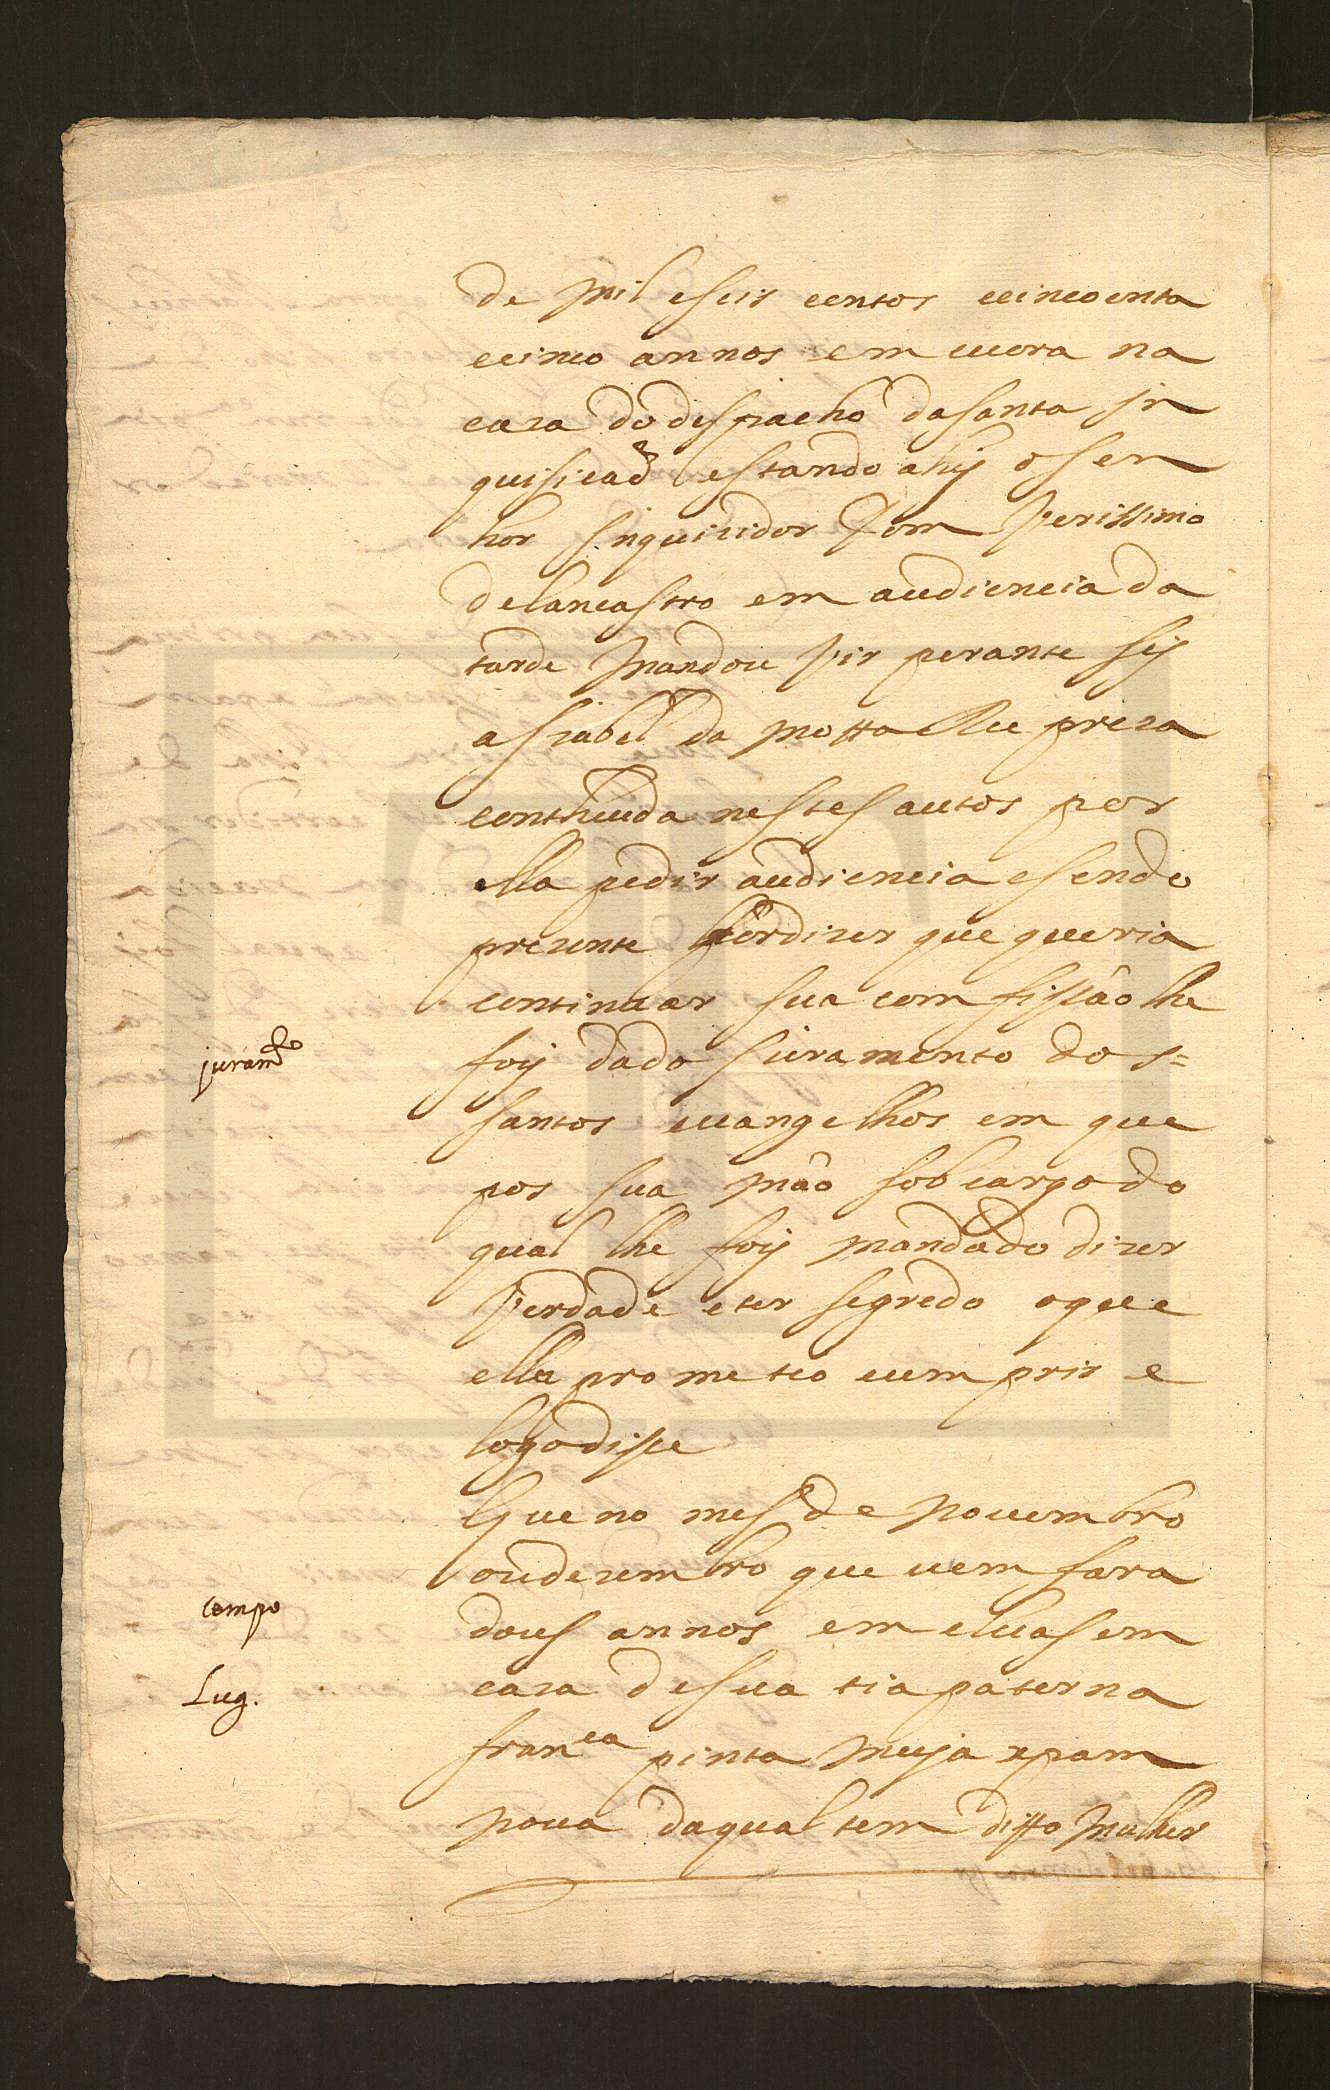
de mil e seiscentos e cincoenta
e cinco annos em euora na
caza do despacho da santa jn
quisicaõ estando ahy o sen
hor Jnquizidor Dom Verissimo
de lancastro em audiencia da
tarde Mandou Vir perante sy
a Jzabel da motta Ree preza
contheuda nestes autos por
ella pedir audiencia e sendo
prezente por dizer que queria
continuar sua comfissaõ lhe
foy dado juramento dos
santos euangelhos em que
pos sua maõ sob cargo do
qual lhe foy mandado dizer
Verdade e ter segredo o que
ella prometeo cumprir e
logo disse
E que no mes de Nouembro
ou dezembro que uem fara
dous annos em eluas em
caza de sua tia paterna
franca pinta meya xpam
noua da qual tem ditto mulher
juramto
tempo
Lug.
